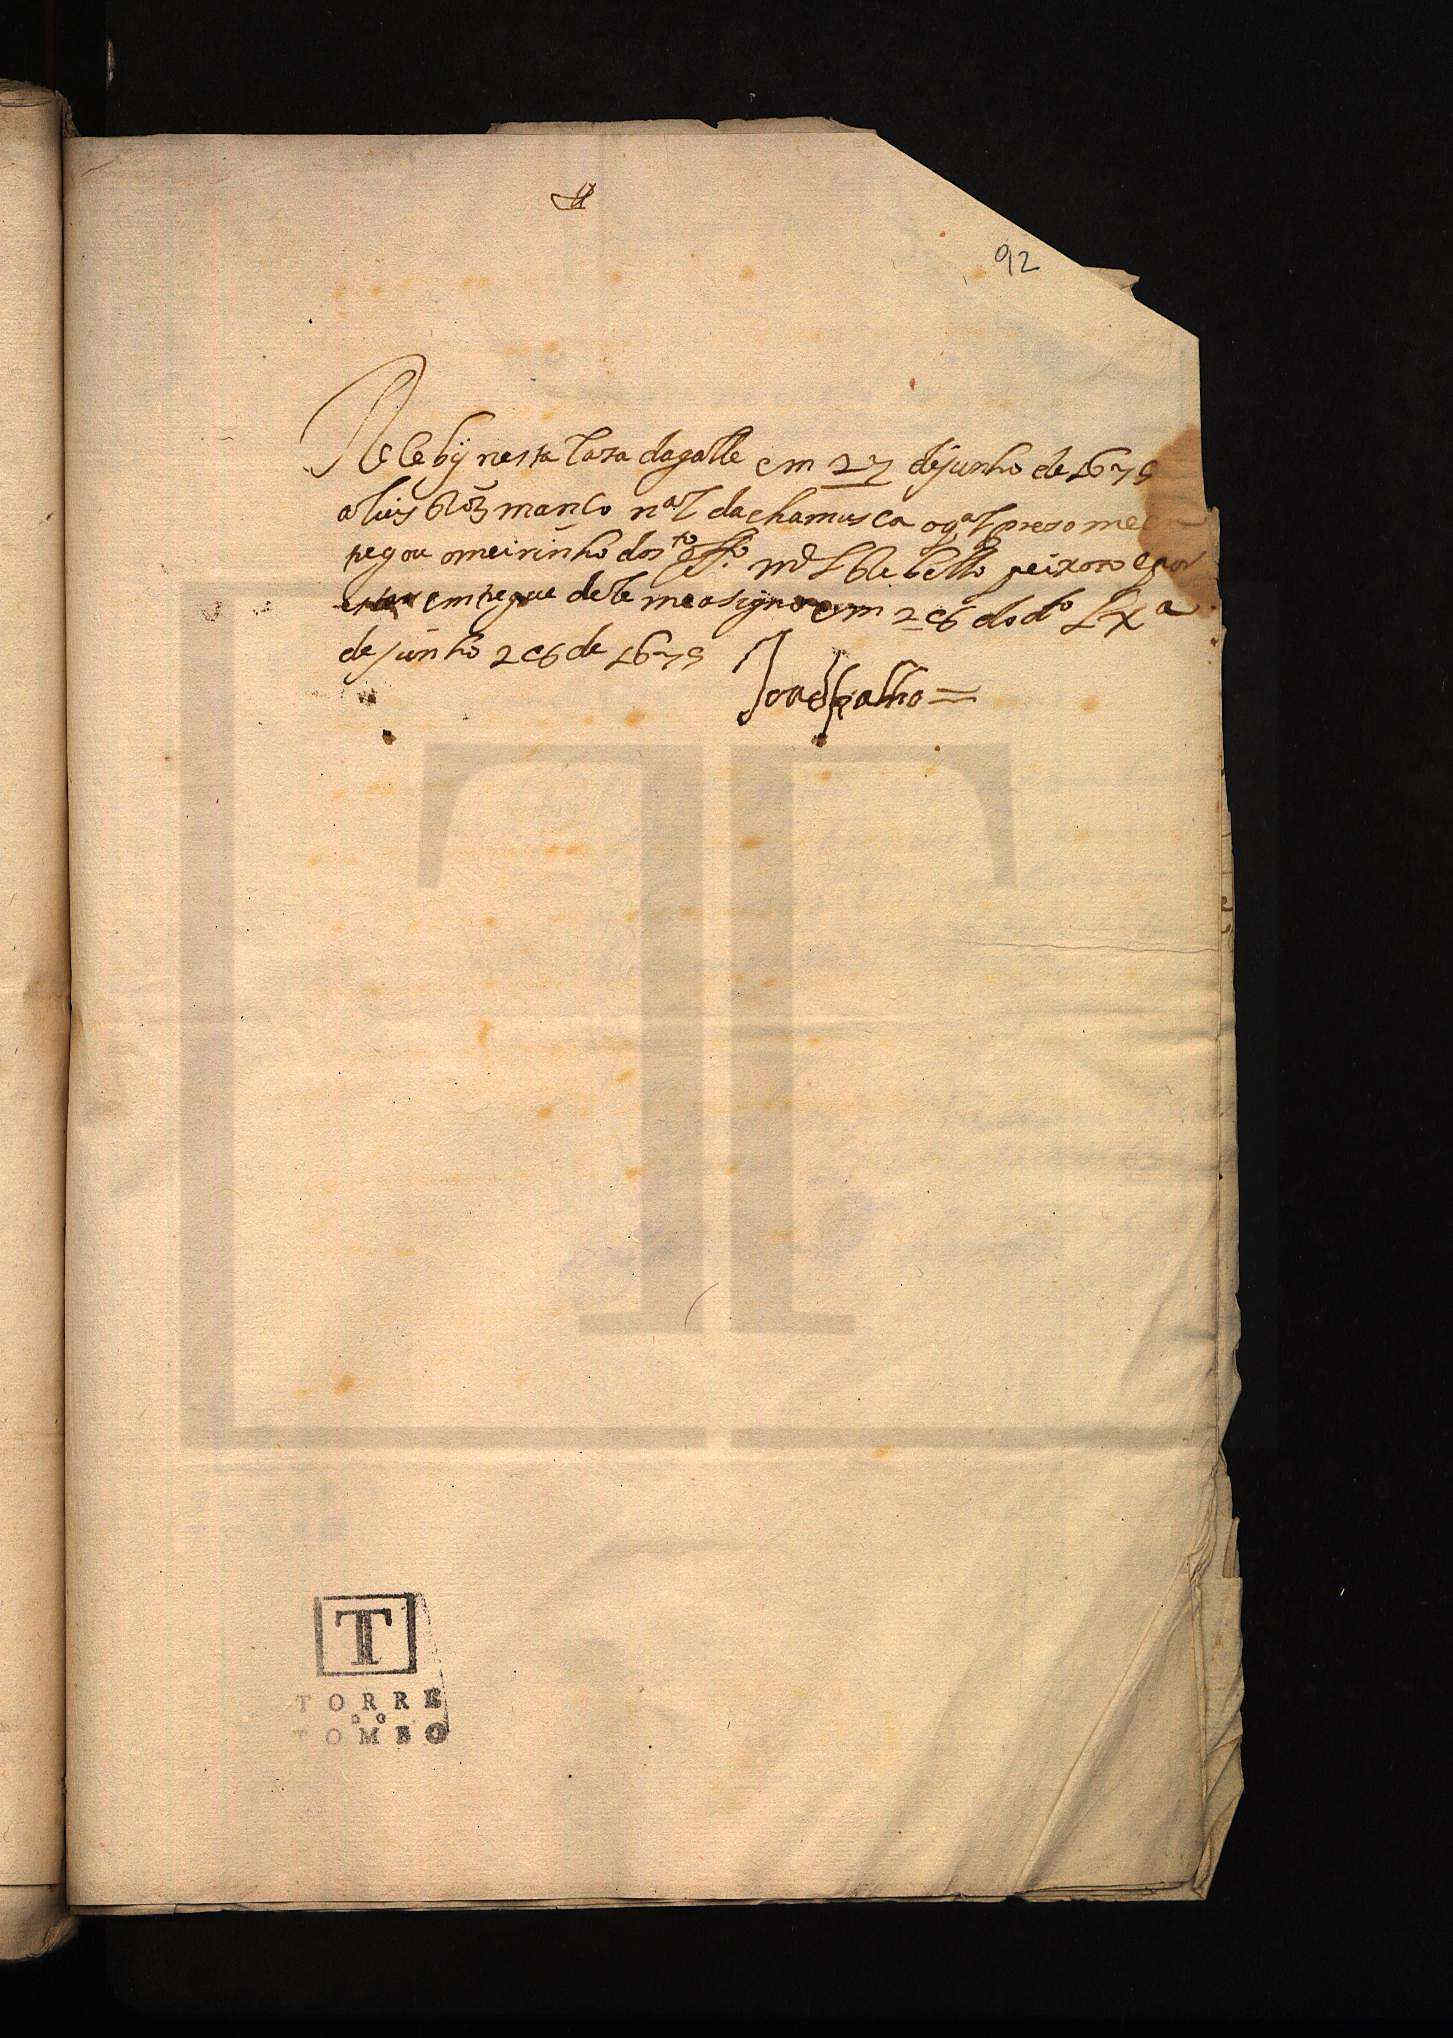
Receby nesta Caza da galle em 27 de junho de 1675
a Luis Roz̄ manço n.al da chamusca o qal prezo me en
tregou o meirinho do sto off.o mel Rebello peixoto e por
estar emtregue dele me asigno em 28 do d̄o Lxa
de junho 28 de 1675
Joaõ fialho =
